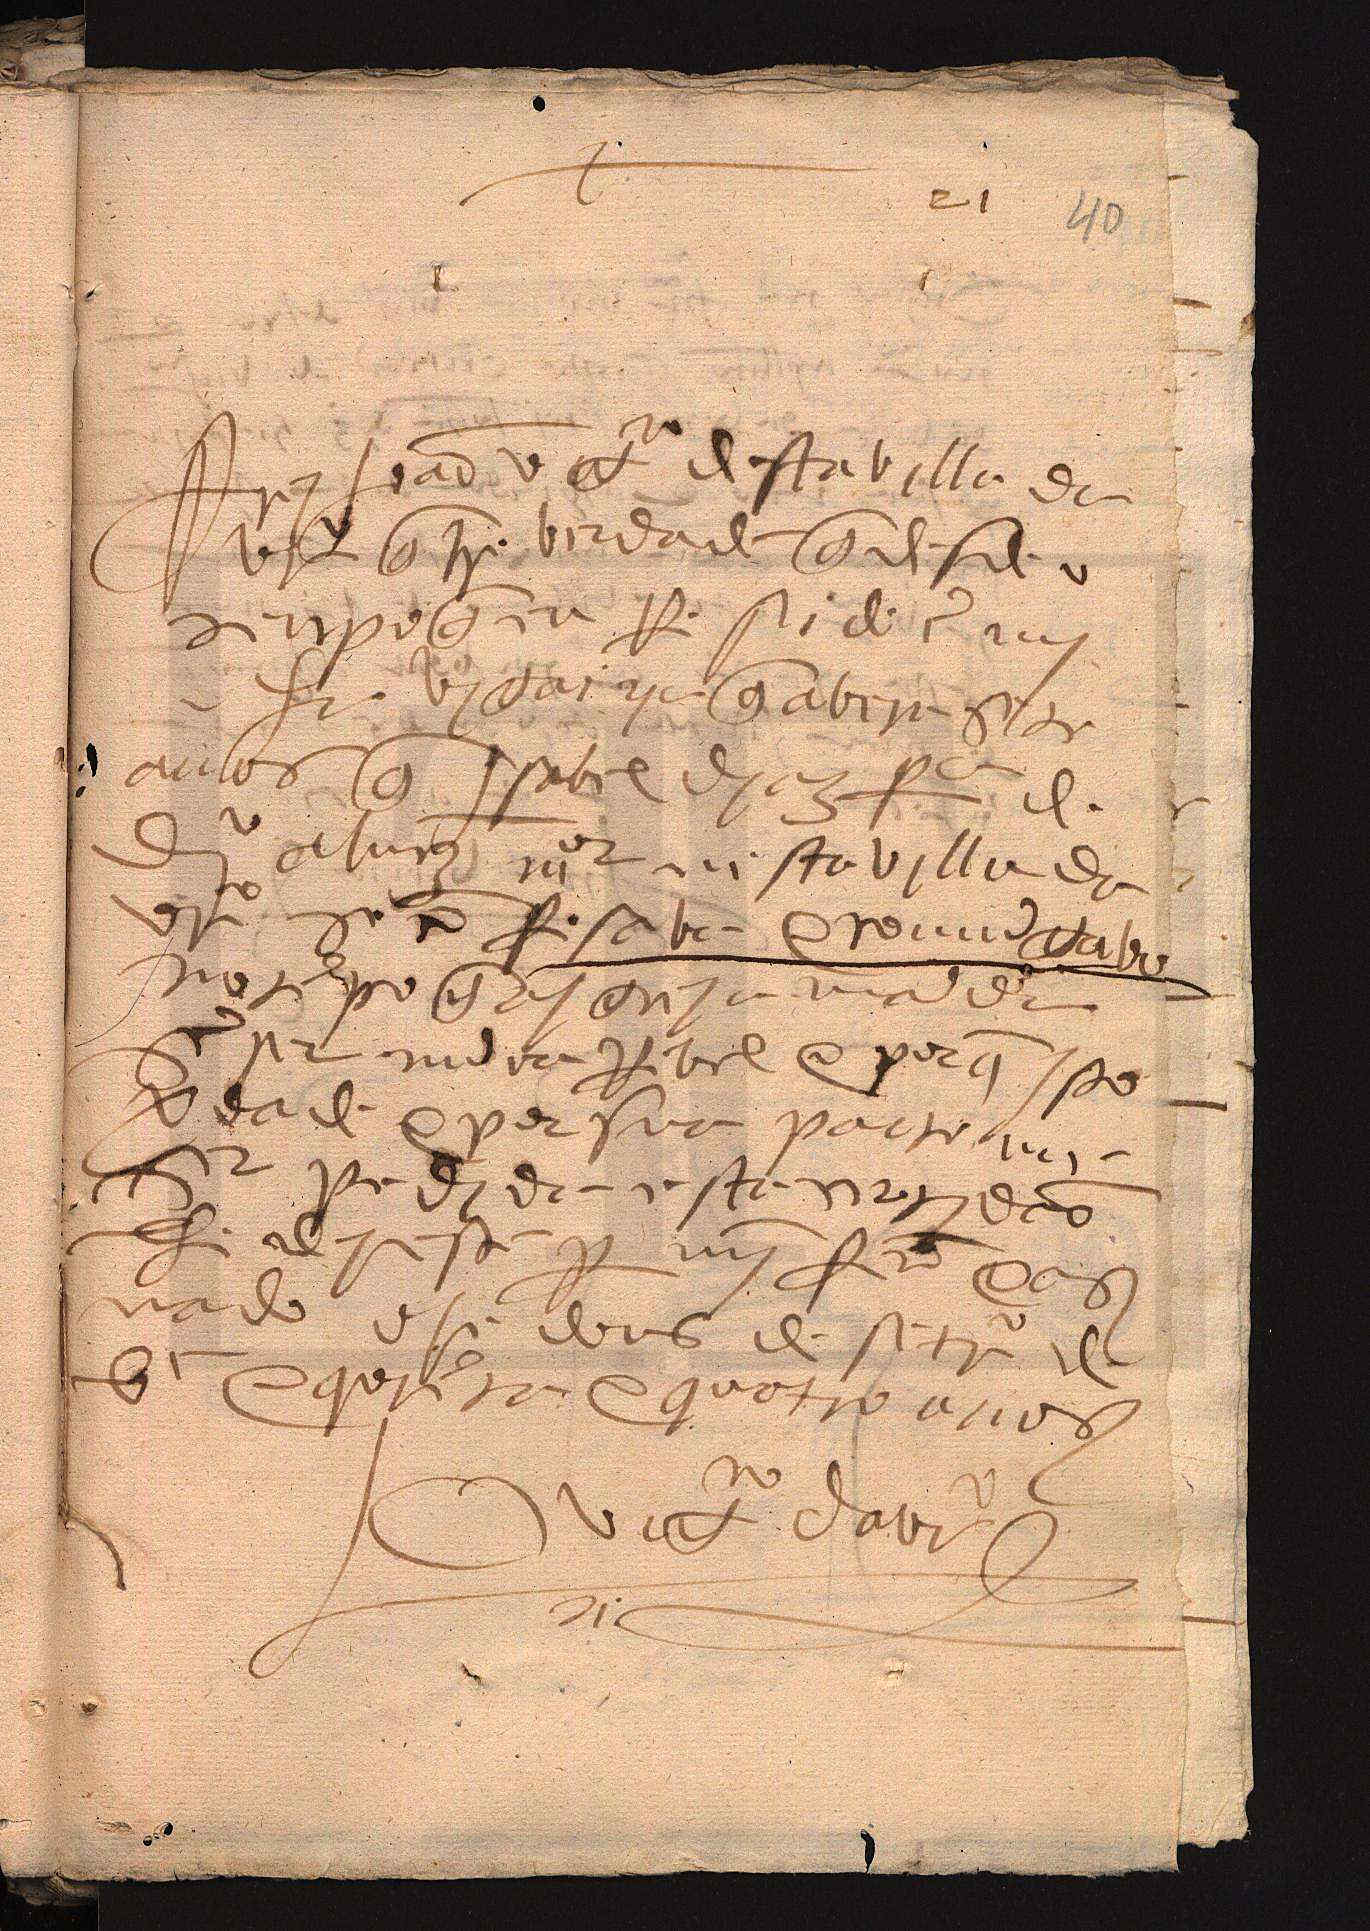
frej João vigro desta villa da
vro q̄ he verdade q̄ desde o
tenpo q̄ eu Resido ē mj
nha vjgairja q̄ avera sete
anos q̄ Jsabel djaz fa de
djo aluez̄ mor nesta villa da
vro se cōfesava e comūgava
no tēpo q̄ a jgreja māda
sē ser nūca Rebel e porq̄ Jsto
ꝟdade e por sua parte me
ser pedjda esta certjdaõ
lhe dej este ꝑ mj̄ ftō e asj
nado oJe dous de setro de
bc e qorēta e quatro anos
O vigro davro
